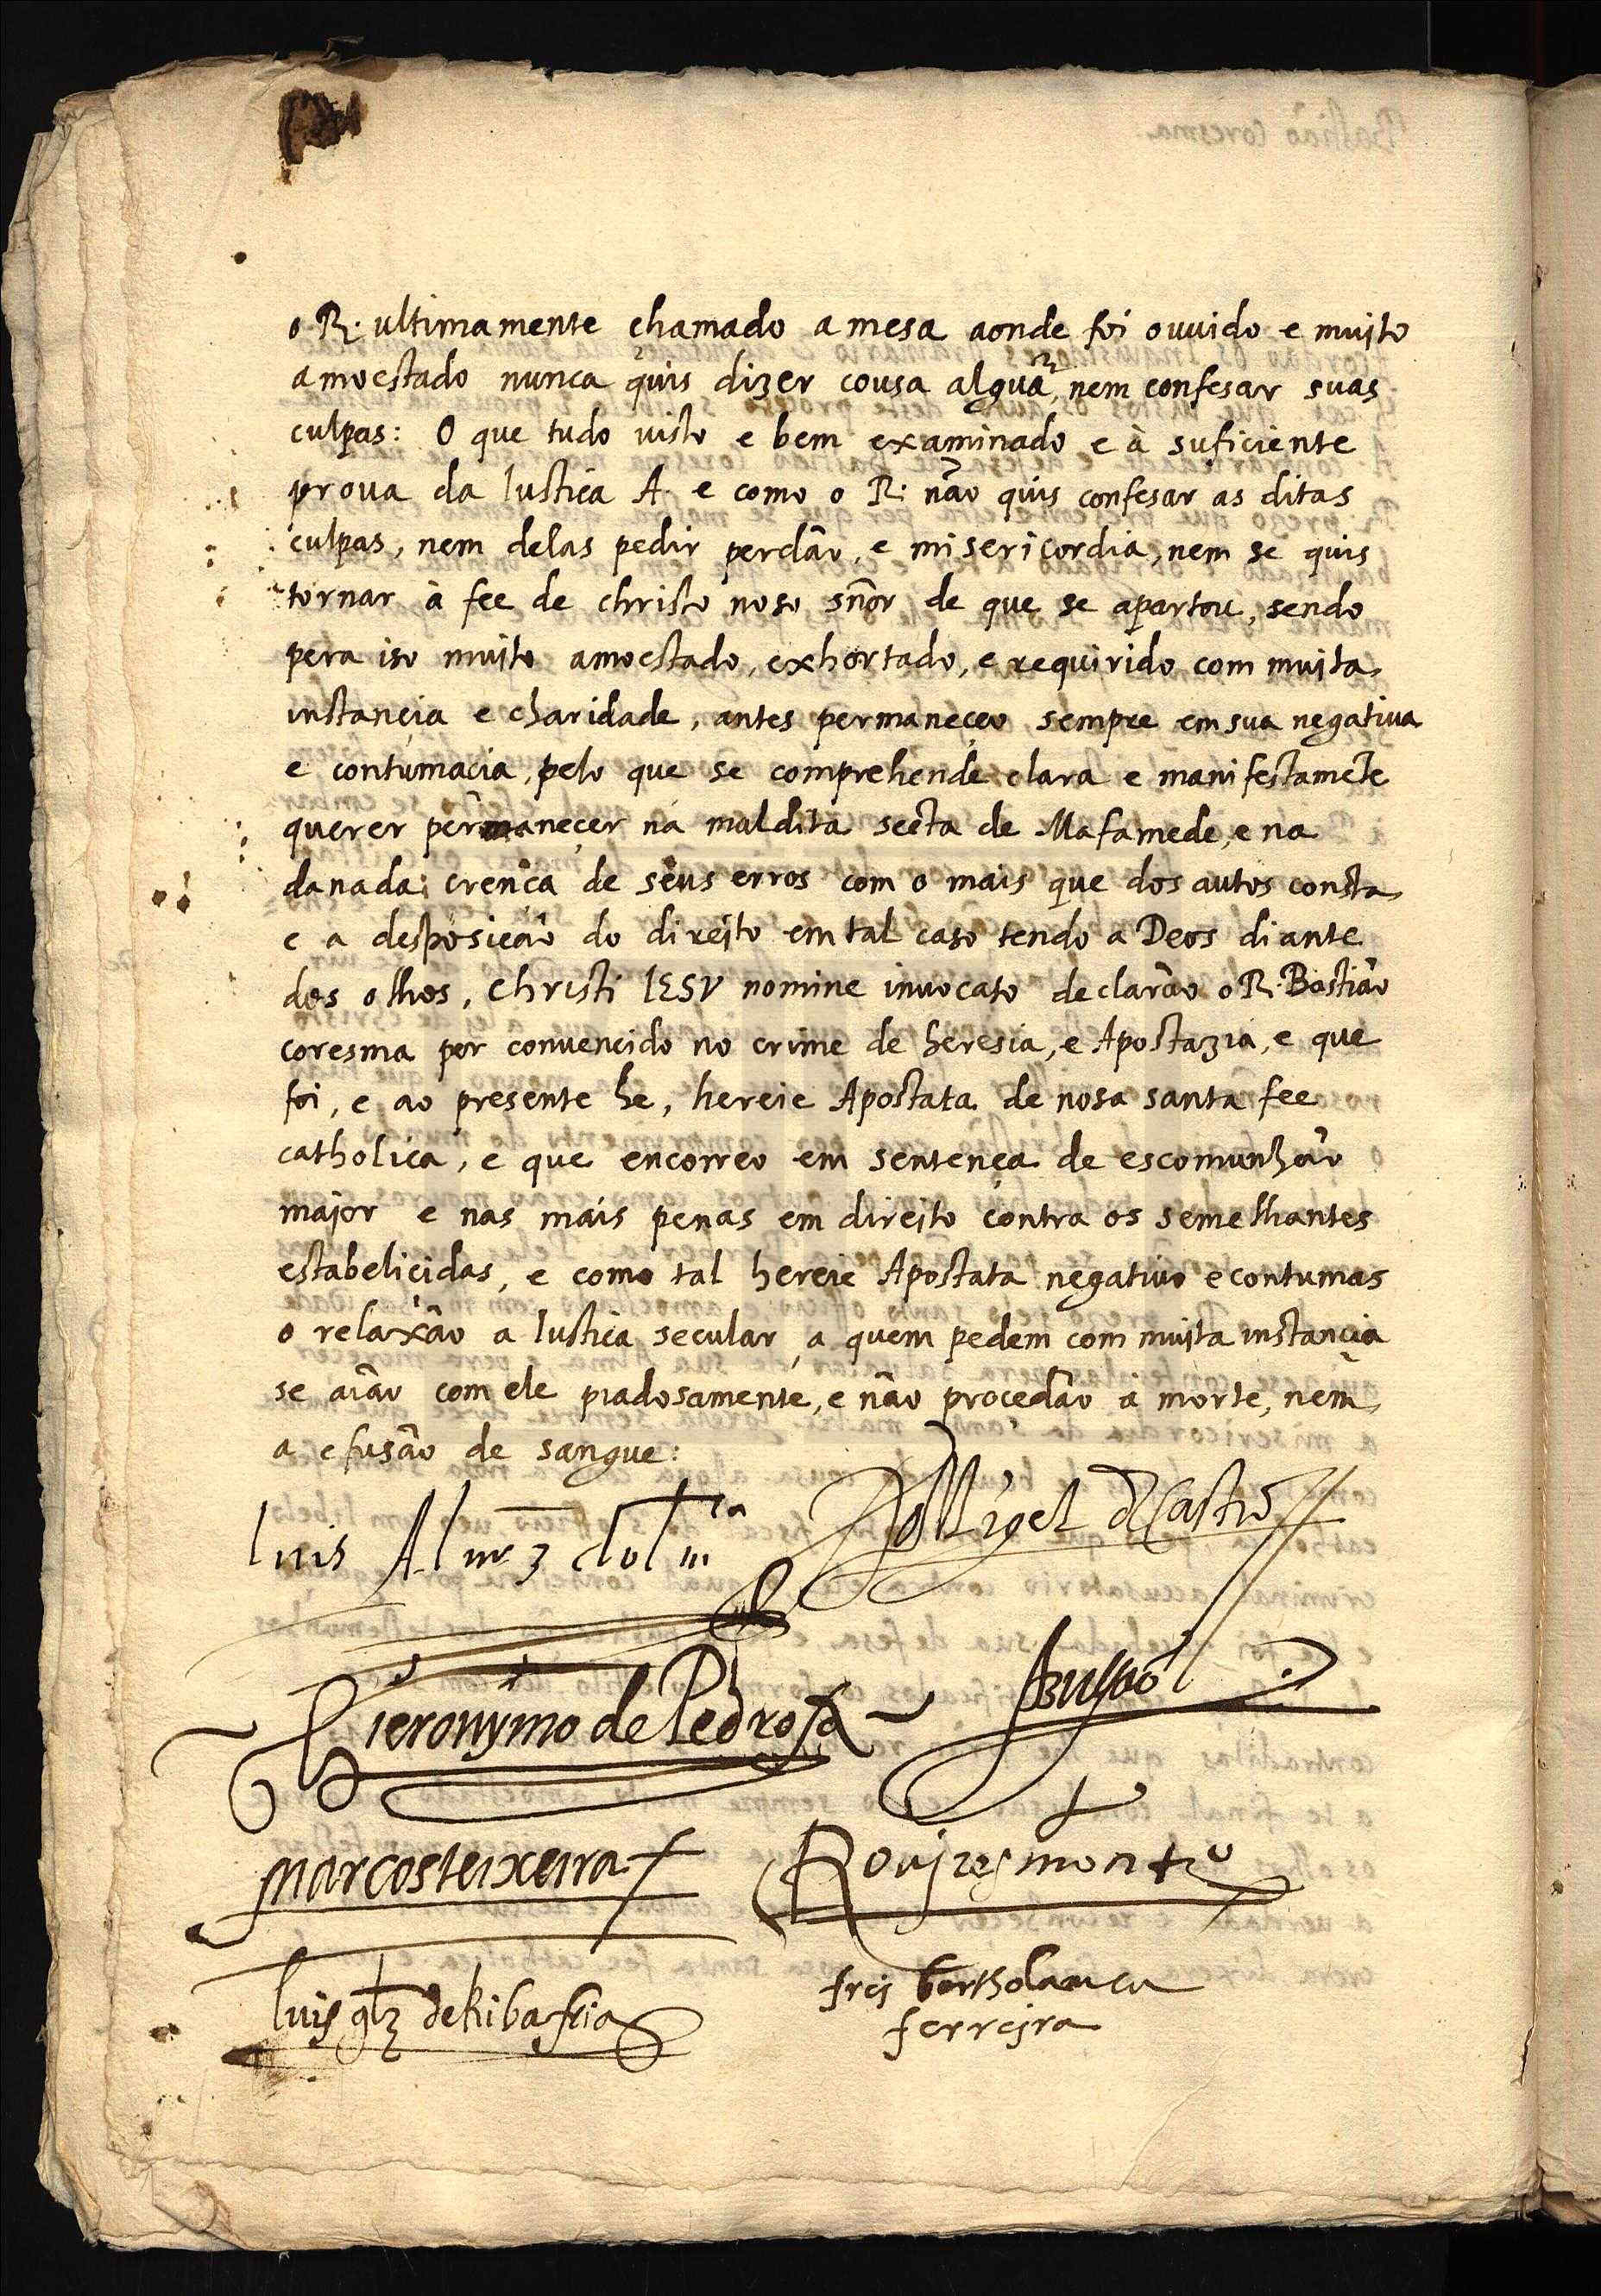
o R. ultimamente chamado a mesa aonde foi ouuido e mujto
amoestado nunca quis dizer cousa alguā, nem confesar suas
culpas: O que tudo uisto e bem examinado e a suficiente
proua da Iustiça A. e como o R. não quis confesar as ditas
culpas, nem delas pedir perdão, e misericordia, nem se quis
tornar à fee de christo noso sn̄or de que se apartou, sendo
pera iso muito amoestado, exhortado, e requirido com muita
instançia e charidade, antes permaneçeo sempre em sua negatiua
e contumacia, pelo que se comprehende clara e manifestamēte
querer permaneçer na maldita secta de Mafamede, e na
danada crença de seus erros com o mais que dos autos consta
e a desposicaõ do direjto em tal caso tendo a Deos diante
dos olhos, christi IESV nomine inuocato declarão o R. Bastião
coresma por conuencido no crime de heresia, e Apostazia, e que
foi, e ao presente he, hereie Apostata de nosa santa fee
catholica, e que encorreo em sentença de escomunhaõ
major e nas mais penas em direito contra os semelhantes
estabelicidas, E como tal hereie Apostata negatiuo e contumas
o relaxaõ a Iustica secular, a quem pedem com mujta instançia
se aião com ele piadosamente, e nao proçedão a morte, nem,
a efusão de sangue:
